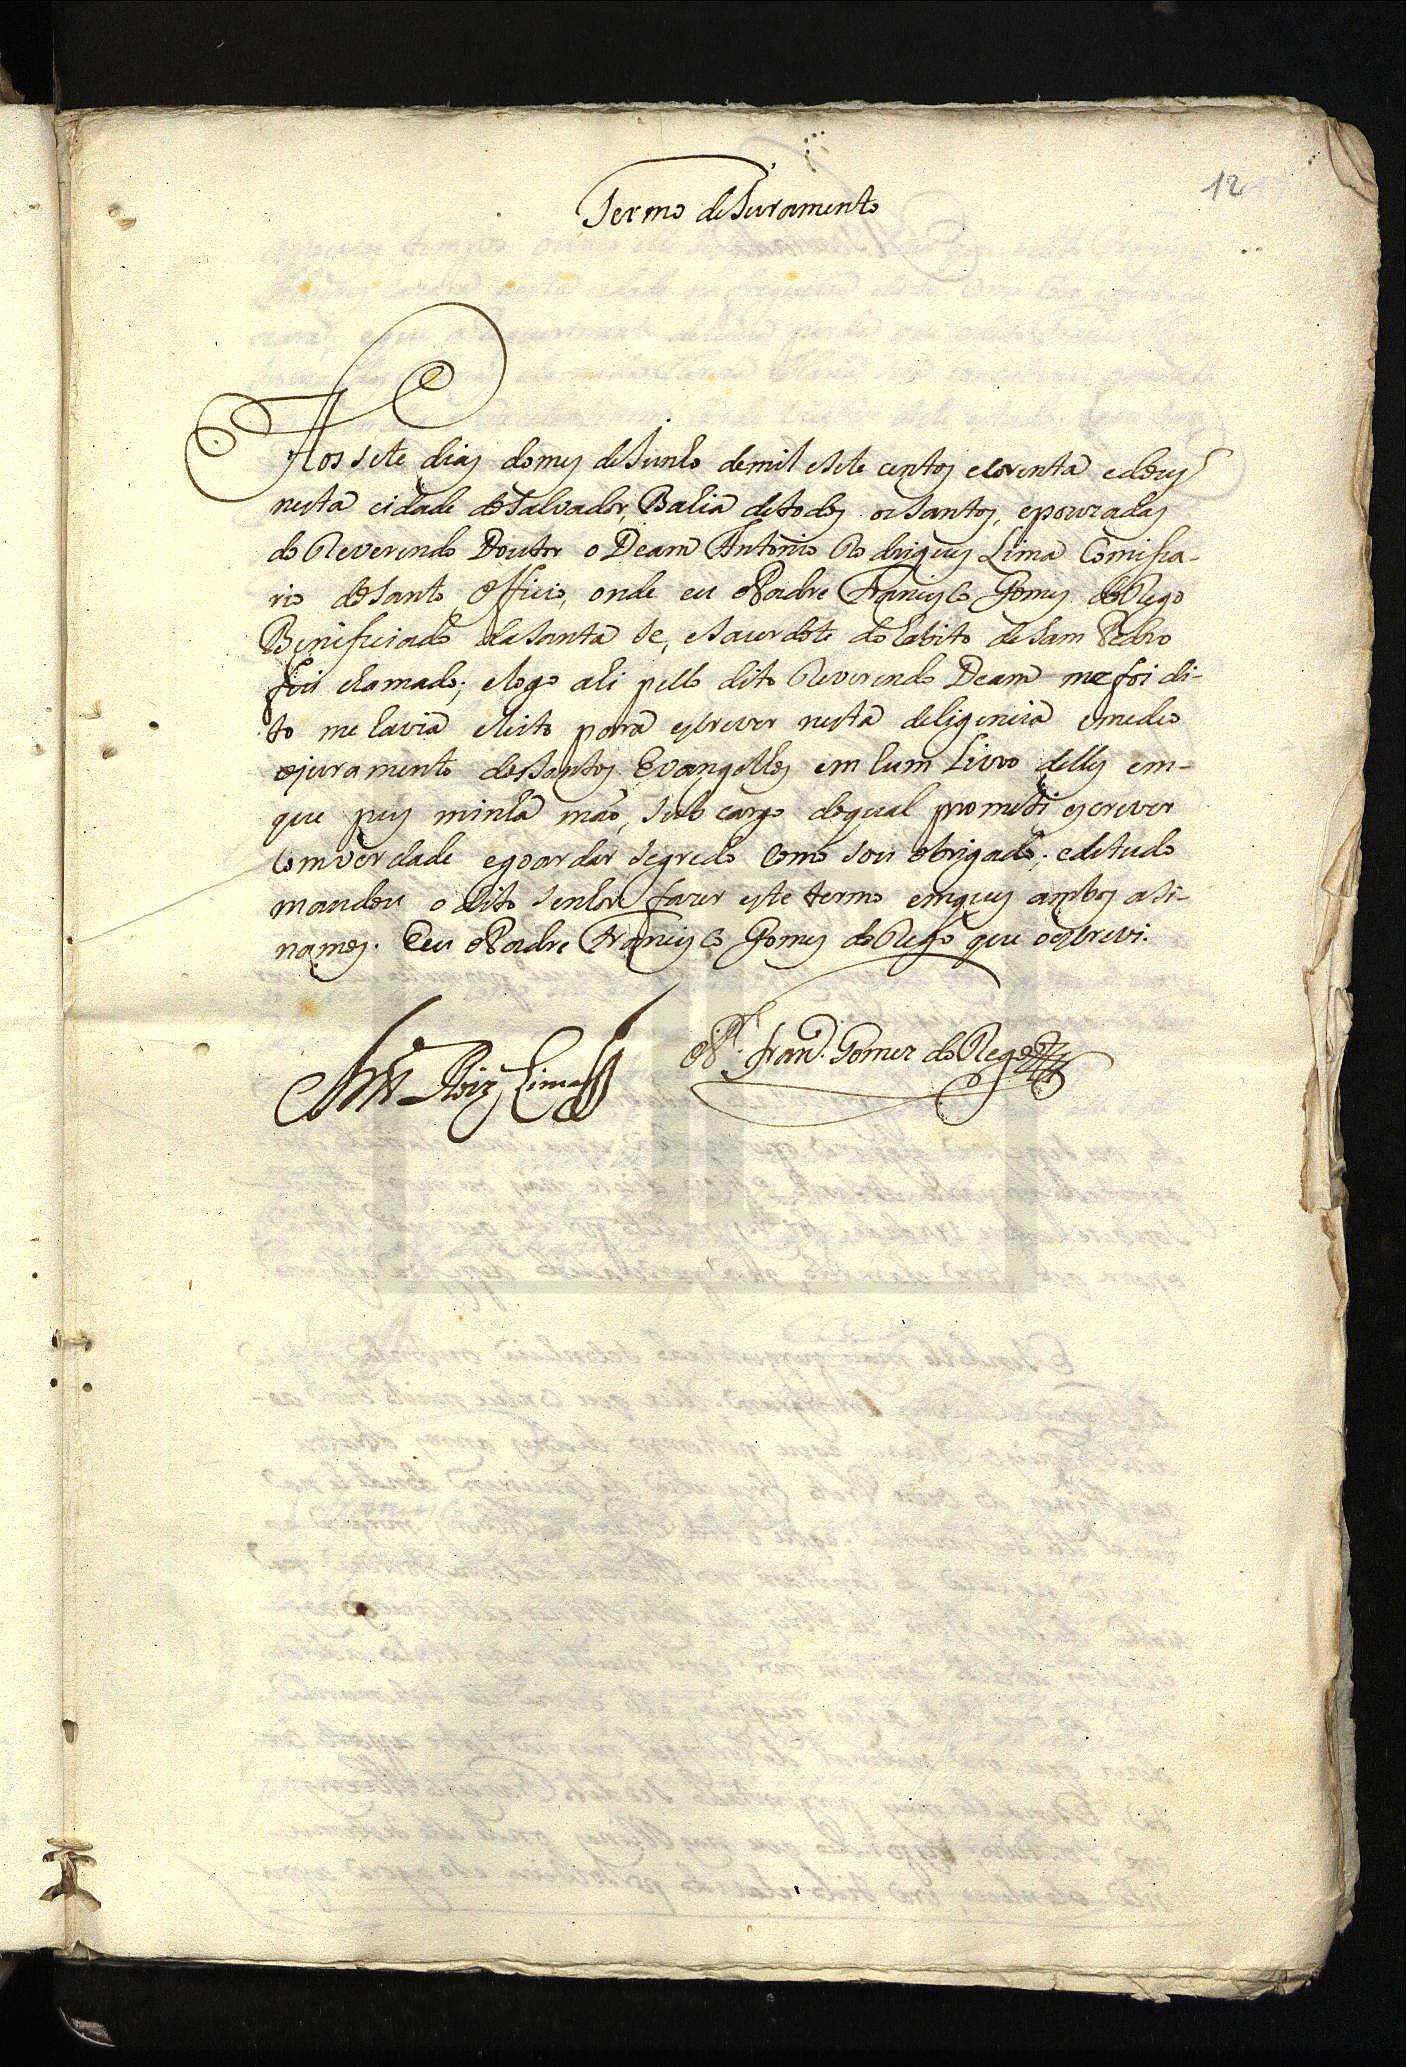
Termo de Iuramento
Aos sete dias do mes de Iunho de mil e setecentos e corenta e dous
nesta cidade do Salvador, Bahia de todos os Santos, e pouzadas
do Reverendo Doutor o Deam Antonio Rodrigues Lima Comissa
rio do Santo Officio, onde eu o Padre Francisco Gomes do Rego
Benificiado da Santa Se, e Sacerdote do habito de Sam Pedro
fui chamado; e logo ahi pello dito Reverendo Deam me foi di
to me havia eleito para escrever nesta deligencia e me deo
o juramento dos Santos Evangelhos em hum Livro delles em
que pus minha mão, sub cargo do qual prometi escrever
com verdade e goardar segredo como sou obrigado; e de tudo
mandou o dito senhor fazer este termo em ques ambos asi
namos. E eu o Padre Francisco Gomes do Rego que o escrevi.
